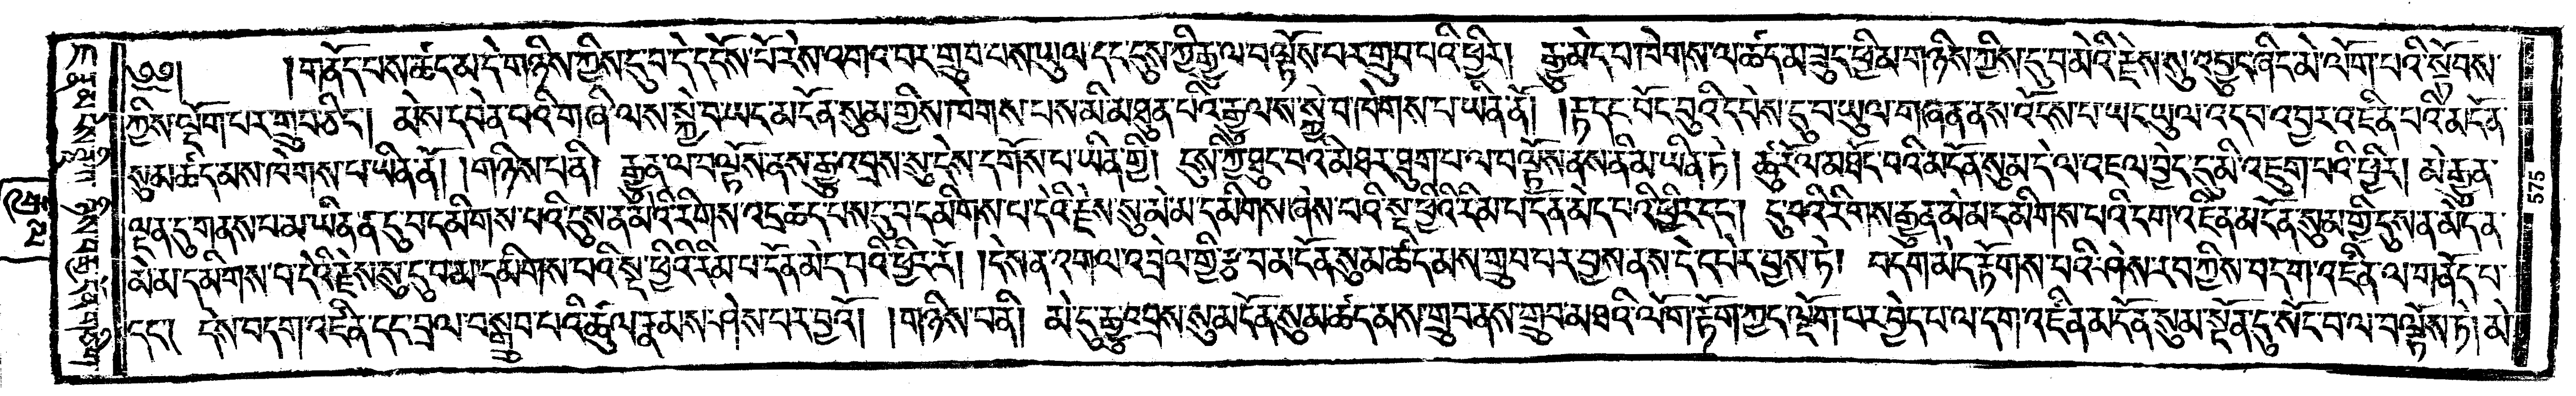༄༅། །གནོད་པས་ཚད་མ་དེ་གཉིས་ཀྱིས་དུ་བ་དེ་དངོས་པོ་རེས་འགའ་བར་གྲུབ་པས་ཡུལ་དང་དུས་ཀྱི་རྒྱུ་ལ་བལྟོས་པར་གྲུབ་པའི་ཕྱིར། རྒྱུ་མེད་པ་ཁེགས་ལ་ཚད་མ་ཟུང་ཕྱི་མ་གཉིས་ཀྱིས་དུ་བ་མེའི་རྗེས་སུ་འབྱུང་ཞིང་མེ་ལོག་པའི་སྟོབས་
ཀྱིས་ལྡོག་པར་གྲུབ་ཅིང་། མེས་དབེན་པའི་གཞི་ལས་སྐྱེ་བ་ཡང་མངོན་སུམ་གྱིས་ཁེགས་པས་མི་མཐུན་པའི་རྒྱུ་ལས་སྐྱེ་བ་ཁེགས་པ་ཡིན་ནོ། །རྟ་དང་བོང་བུའི་དཔེས་དུ་བ་ཡུལ་གཞན་ནས་འོངས་པ་ཡང་ཡུལ་འདབ་འབྱར་འཛིན་པའི་མངོན་
སུམ་ཚད་མས་ཁེགས་པ་ཡིན་ནོ། །གཉིས་པ་ནི། རྒྱུན་ལ་བལྟོས་ནས་རྒྱུ་འབྲས་སུ་དེས་དགོས་པ་ཡིན་གྱི། དུས་ཀྱི་ཐུང་བའི་མཐར་ཐུག་པ་ལ་བལྟོས་ནས་ནི་མ་ཡིན་ཏེ། ཚུ་རོལ་མཐོང་བའི་མངོན་སུམ་དེ་ལ་འཇལ་བྱེད་དུ་མི་འཇུག་པའི་ཕྱིར། མེ་རྒྱུན་
ལྡན་དུ་གནས་པ་མ་ཡིན་ན་དུ་བ་དམིགས་པའི་དུས་ན་མེའི་རིགས་འདྲ་ཆད་པས་དུ་བ་དམིགས་པ་དེའི་རྗེས་སུ་མེ་མ་དམིགས་ཞེས་པའི་སྔ་ཕྱིའི་རིམ་པ་དོན་མེད་པའི་ཕྱིར་དང་། དུ་བའི་རིགས་རྒྱུན་མེ་མ་དམིགས་པའི་དག་འཛིན་མངོན་སུམ་གྱི་དུས་ན་མེད་ན་
མེ་མ་དམིགས་པ་དེའི་རྗེས་སུ་དུ་བ་མ་དམིགས་པའི་སྔ་ཕྱིའི་རིམ་པ་དོན་མེད་པའི་ཕྱིར་རོ། །དེས་ན་འགལ་འབྲེལ་གྱི་རྩ་བ་མངོན་སུམ་ཚད་མས་གྲུབ་པར་བྱས་ནས་དེ་དཔེར་བྱས་ཏེ། བདག་མེད་རྟོགས་པའི་ཤེས་རབ་ཀྱིས་བདག་འཛིན་ལ་གནོད་པ་
དང་། དེས་བདག་འཛིན་དང་བྲལ་བ་སྒྲུབ་པའི་ཚུལ་རྣམས་ཤེས་པར་བྱའོ། །གཉིས་པ་ནི། མེ་དུ་རྒྱུ་འབྲས་སུ་མངོན་སུམ་ཚད་མས་གྲུབ་ནས་གྲུབ་མཐའི་ལོག་རྟོག་ཀྱང་ལྡོག་པར་བྱེད་པ་ལ་དག་འཛིན་མངོན་སུམ་སྔོན་དུ་སོང་བ་ལ་བལྟོས་ཏེ། མེ་